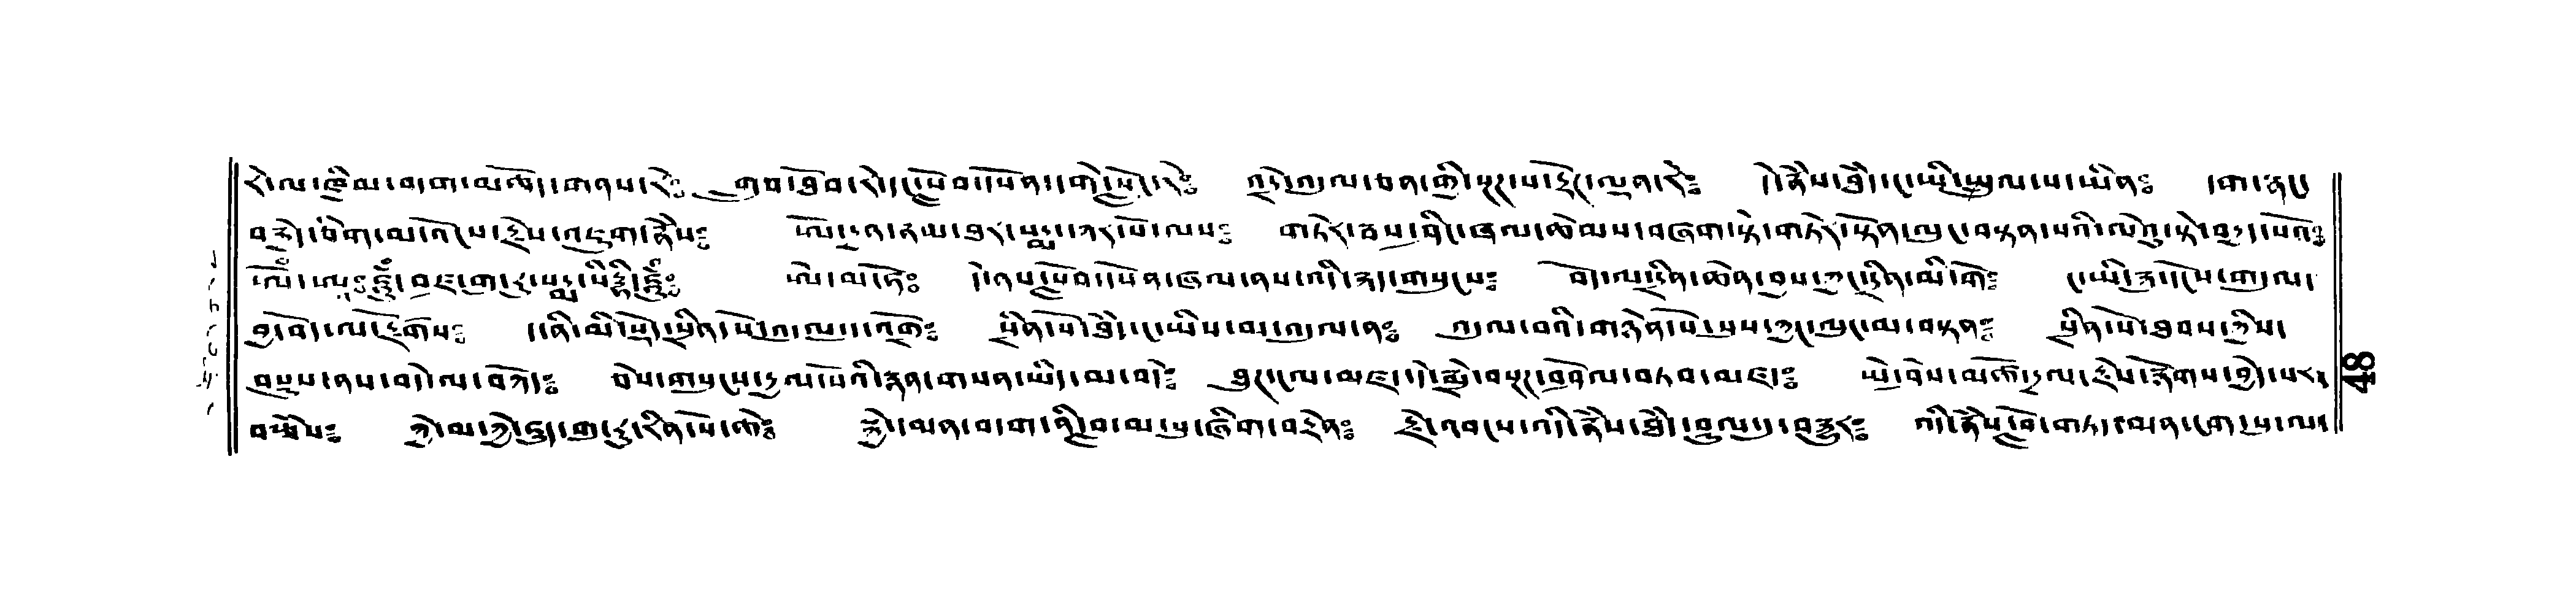རེ་ལ་ཁྱིམ་བདག་མཆོད་གནས་རེ༔ གྲུབ་ཐོབ་རེ་དང་སློབ་དཔོན་དགེ་སློང་རེ༔ འདྲེ་འདུལ་ཅན་གྱི་སྔགས་པ་རྟོགས་ལྡན་རེ༔ དེ་རྣམས་ཐམས་ཅད་ང་ཡི་སྤྲུལ་པ་ཡིན༔ དག་སྣང་
སྐྱེད་ཅིག་མ་འོངས་རྗེས་འཇུག་རྣམས༔ ཨོ་རྒྱན་རྣམ་ཐར་པདྨ་དཀར་པོ་ལས༔ གཏེར་སྦས་ཤིང་ཞལ་ཆེམས་བཞག་སྟེ་གཏེར་སྟོན་ལུང་བསྟན་པའི་ལེའུ་སྟེ་བརྒྱད་པའོ༔ 
ཨོཾ་ཨཱཿཧཱུྃ་བཛྲ་གུ་རུ་པདྨ་སིདྡྷི་ཧཱུྃ༔ ཨེ་མ་ཧོ༔ དེ་ནས་སློབ་དཔོན་ཞལ་ནས་འདི་སྐད་གསུངས༔ བོད་ལ་དྲིན་ཆེན་བྱས་ཀྱང་དྲིན་མི་གོ༔ ང་ཡི་སྐུ་དངོས་གདུལ་
བྱ་བོད་ལ་རྫོགས༔ ད་ནི་མི་སྡོད་སྲིན་པོ་འདུལ་དུ་འགྲོ༔ སྲིན་པོ་ཐམས་ཅད་ང་ཡིས་མ་འདུལ་ན༔ འདུལ་བའི་གཉེན་པོ་སུས་ཀྱང་ལུང་མ་བསྟན༔ སྲིན་པོ་ཐབས་ཀྱིས་
བསྡུས་ནས་བདེ་ལ་བཀོད༔ ཅེས་གསུངས་རྒྱལ་པོའི་སྙན་གསན་ཡིད་མ་བདེ༔ ཐུགས་ངལ་མཛད་དེ་སྨྲེ་བསྔགས་བཤོལ་བཏབ་མཛད༔ ཡེ་ཤེས་མཚོ་རྒྱལ་རྗེས་སྙེགས་བྱེད་པར་
བརྩམས༔ ཀྱེ་མ་ཀྱེ་ཧུད་གུ་རུ་རིན་པོ་ཆེ༔ སྐྱེ་དམན་བདག་ནི་བླ་མ་སུ་ཞིག་བསྟེན༔ རྗེ་འབངས་འདི་རྣམས་ཐམས་ཅད་ཤུལ་དུ་བསྐྱུར༔ འདི་རྣམས་བློ་གཏད་མན་ངག་སུ་ལ་